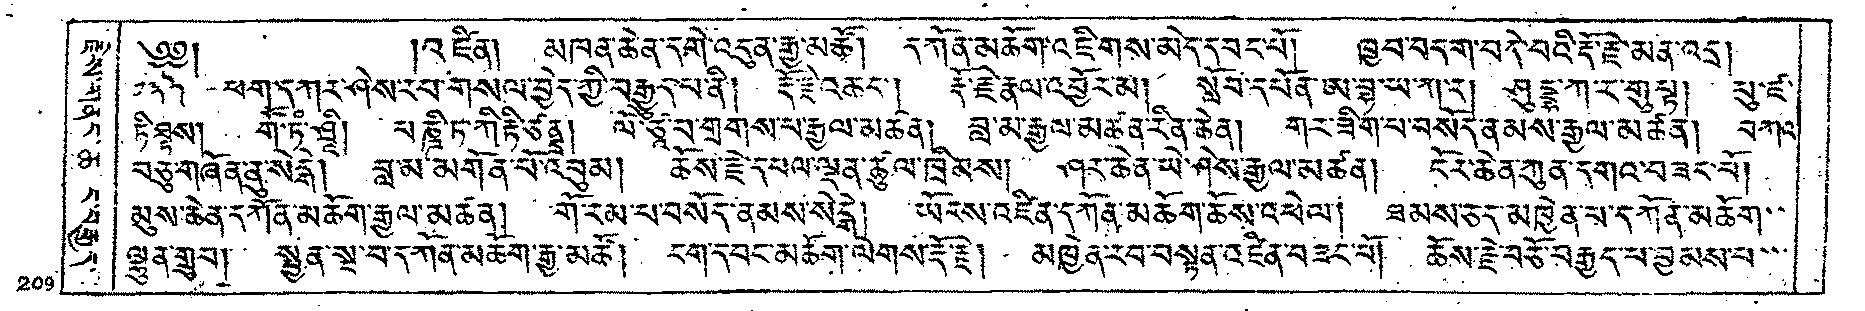༄༅། །འཛིན། མཁན་ཆེན་དགེ་འདུན་རྒྱ་མཚོ། དཀོན་མཆོག་འཇིགས་མེད་དབང་པོ། ཁྱབ་བདག་བདེ་བའི་རྡོ་རྗེ་མན་འདྲ།
༡༣}་ཕག་དཀར་ཤེས་རབ་གསལ་བྱེད་ཀྱི་བརྒྱུད་པ་ནི། རྡོ་རྗེ་འཆང་། རྡོ་རྗེ་རྣལ་འབྱོར་མ། སློབ་དཔོན་ཨ་བྷ་ཡ་ཀ་ར། ཤུདྡྷ་ཀ་ར་གུ་པྟ། པུ་ཛ་
ཏིཐྟས། གཽ་ཏཾ་ཤྲཱི། པཎྜི་ཏ་ཀི་རྟི་ཙནྡྲ། ལོ་ཙཱ་བ་གྲགས་པ་རྒྱལ་མཚན། བླ་མ་རྒྱལ་མཚན་རིན་ཆེན། གར་ཐིག་པ་བསོད་ནམས་རྒྱལ་མཚན། བཀའ་
བཅུ་གཞོན་ནུ་སེངྒེ། བླ་མ་མགོན་པོ་འབུམ། ཆོས་རྗེ་དཔལ་ལྡན་ཚུལ་ཁྲིམས། ཤར་ཆེན་ཡེ་ཤེས་རྒྱལ་མཚན། ངོར་ཆེན་ཀུན་དགའ་བཟང་པོ།
མུས་ཆེན་དཀོན་མཆོག་རྒྱལ་མཚན། གོ་རམ་པ་བསོད་ནམས་སེངྒེ། ཡོངས་འཛིན་དཀོན་མཆོག་ཆོས་འཕེལ། ཐམས་ཅད་མཁྱེན་པ་དཀོན་མཆོག་
ལྷུན་གྲུབ། སྤྱན་སྔ་བ་དཀོན་མཆོག་རྒྱ་མཚོ། ངག་དབང་མཆོག་ལེགས་རྡོ་རྗེ། མཁྱེན་རབ་བསྟན་འཛིན་བཟང་པོ། ཆོས་རྗེ་བཅོ་བརྒྱད་པ་བྱམས་པ་